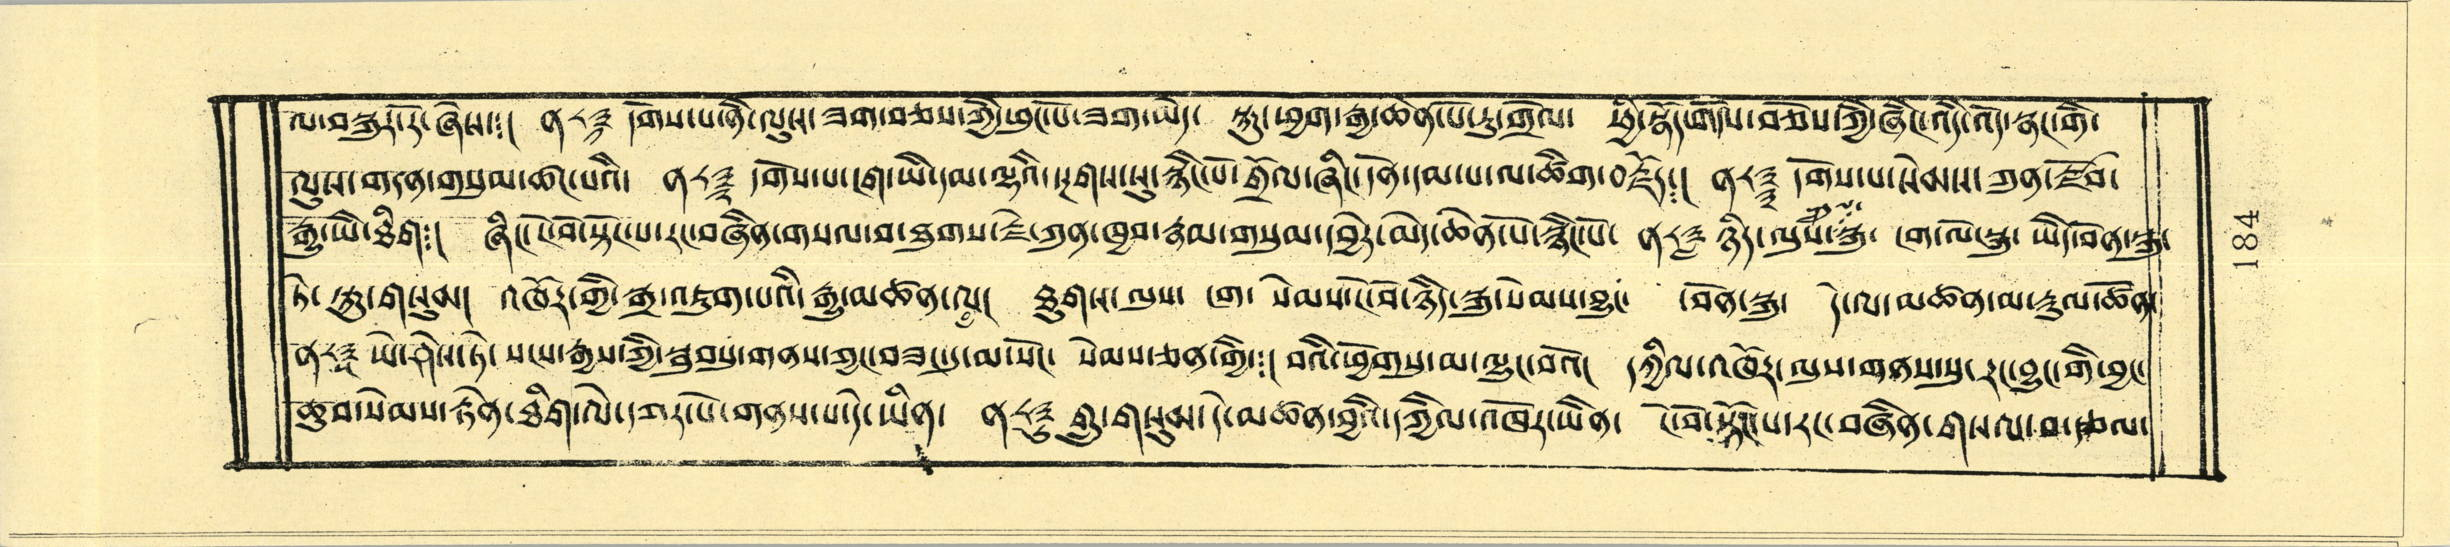ལ་བསྐུར་རོ་༼ཞེས༽ན༨༣།༡དགོས་པ་ནི་༼ལུས༽ཟག་བཅས་ཀྱི་ཕུང་པོ་ཟག་མེད་༼སྐུ༽ཕྱག་རྒྱ་ཆེན་པོ་རུ་གྲོལ།༼ཕྱི་སྣོད༽གདོས་བཅས་ཀྱི་ཞིང་འདི་འོད་སྣང་གི་
༼ལུས༽གདན་གསུམ་ཚང་བའི་ན༨༢།༢ དགོས་པ་༼ངག༽ཡི་དམ་ལྷའི་༼སྔགས་སུ༽སྙིང་པོ་༼གྲོལ་ཞིང་༽དོན་དམ་པ་ལ་ཚིག་༼བརྗོད༽ན༨༣།༣ དགོས་པ་༼སེམས༽ཀུན་རྫོབ་
རྒྱུ་ཡི་༼ཐེག ཞིང་༽ངོ་བོ་སྟོང་པ་རང་བཞིན་གསལ་བ་ཐུགས་རྗེ་ཀུན་ཁྱབ་རྣམ་གསུམ་དབྱེར་མེད་ཆེན་པོ་སྙིང་པོ་ན༨༣།༤༼ཉིད༽ལུས་སྤྲུལ་སྐུ་ངག་ལོངས་སྐུ་ཡིད་བོན་སྐུ་
སྟེ་༼སྐུ་གསུམ༽༼འཁོར༽གྱི་སྒྲ་འཇུག་པའི་རྒྱུ་མཚན་ལ་༼ཐུགས༽ལུས་ངག་སེམས་ངོ་བོ་ཉིད་སྐུ་སེམས་བྱུང་བོན་སྐུ་༼དེ་ལ༽མཚན་མ་རྡུལ་མཚོིན་
ན༨༣།༥ ༼ཡེ་ཤེས་ཏེ༽སངས་རྒྱས་ཀྱི་སྦུབས་སུ་གནས་ཀྱང་བཟང་དུ་མ་སོང་། སེམས་ཅན་གྱི༑ བའི་ཕྱོགས་སུ་མ་ལྷུང་བའོ།༼དཀྱིལ་འཁོར༽ལུས་གནས་སུ་༼རང་བྱུང༽གི་བྱང་
ཆུབ་སེམས་རྟེན་༼ཐིག་ལེ༽དཀར་པོ་གནས་པ་༼དེ་ཡིན༽ན༨༣།༦༼གྲུ་གསུམ༽དེ་མཚན་བྱའི་དཀྱིལ་འཁོར་ཡིན། ངོ་བོ་སྟོང་པ་རང་བཞིན་༼གསལ༽བ་རྩལ་